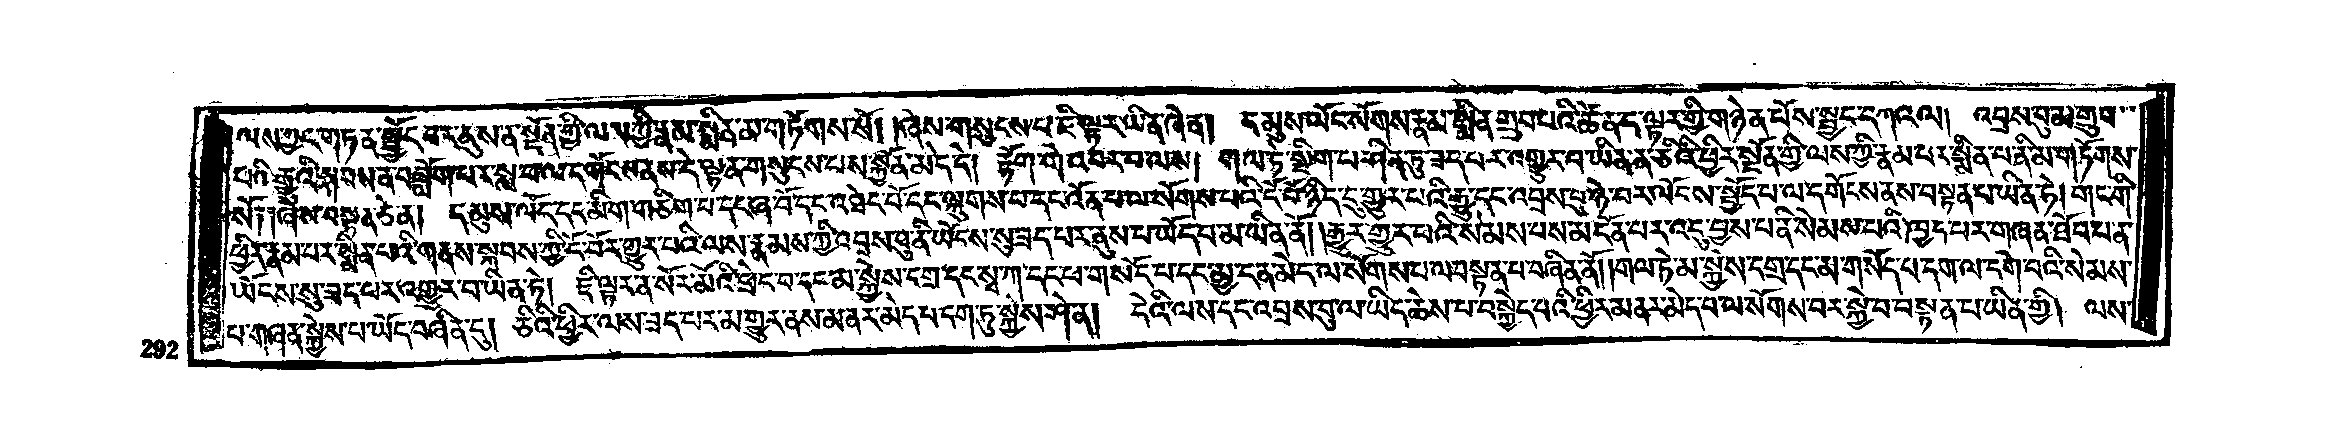ལས་ཀྱང་གཏན་སྦྱོང་བར་ནུས་ན་སྔོན་གྱི་ལས་ཀྱི་རྣམ་སྨིན་མ་གཏོགས་སོ། །ཞེས་གསུངས་པ་ཇི་ལྟར་ཡིན་ཞེ་ན། དམུས་ལོང་སོགས་རྣམ་སྨིན་གྲུབ་པའི་ཚེ་ན་ད་ལྟར་གྱི་གཉེན་པོས་སྦྱང་དཀའ་ལ། འབྲས་བུ་མ་གྲུབ་
པའི་རྒྱུའི་སྐབས་ན་བཟློག་པར་སླ་བ་ལ་དགོངས་ནས་དེ་ལྟར་གསུངས་པས་སྐྱོན་མེད་དེ། རྟོག་གེ་འབར་བ་ལས། གལ་ཏེ་སྡིག་པ་ཤིན་ཏུ་ཟད་པར་འགྱུར་བ་ཡིན་ན་ཅིའི་ཕྱིར་སྔོན་གྱི་ལས་ཀྱི་རྣམ་པར་སྨིན་པ་ནི་མ་གཏོགས་
སོ༑ ༑ཞེས་བསྟན་ཅེ་ན། དམུས་ལོང་དང་མིག་གཅིག་པ་དང་ཞ་བོ་དང་འཐེང་པོ་དང་ལྐུགས་པ་དང་འོན་པ་ལ་སོགས་པའི་ངོ་བོ་ཉིད་དུ་གྱུར་པའི་རྒྱུ་དང་འབྲས་བུ་ཉེ་བར་ལོངས་སྤྱོད་པ་ལ་དགོངས་ནས་བསྟན་པ་ཡིན་ཏེ། གང་གི་
ཕྱིར་རྣམ་པར་སྨིན་པའི་གནས་སྐབས་ཀྱི་ངོ་བོར་གྱུར་པའི་ལས་རྣམས་ཀྱི་འབྲས་བུ་ནི་ཡོངས་སུ་ཟད་པར་ནུས་པ་ཡོད་པ་མ་ཡིན་ནོ། །རྒྱུར་གྱུར་པའི་སེམས་པས་མངོན་པར་འདུ་བྱས་པ་ནི་སེམས་པའི་ཁྱད་པར་གཞན་ཐོབ་པ་ན་
ཡོངས་སུ་ཟད་པར་འགྱུར་བ་ཡིན་ཏེ། ཇི་ལྟར་ན་སོར་མོའི་ཕྲེང་བ་དང་མ་སྐྱེས་དགྲ་དང་སྭ་ཀ་དང་ཕ་གསོད་པ་དང་མྱ་ངན་མེད་ལ་སོགས་པ་ལ་བསྟན་པ་བཞིན་ནོ། །གལ་ཏེ་མ་སྐྱེས་དགྲ་དང་མ་གསོད་པ་དག་ལ་དགེ་བའི་སེམས་
པ་གཞན་སྐྱེས་པ་ཡོད་བཞིན་དུ། ཅིའི་ཕྱིར་ལས་ཟད་པར་མ་གྱུར་ནས་མནར་མེད་པ་དག་ཏུ་སྐྱེས་ཤེ་ན། དེའི་ལས་དང་འབྲས་བུ་ལ་ཡིད་ཆེས་པ་བསྐྱེད་པའི་ཕྱིར་མནར་མེད་པ་ལ་སོགས་པར་སྐྱེ་བ་བསྟན་པ་ཡིན་གྱི། ལས་